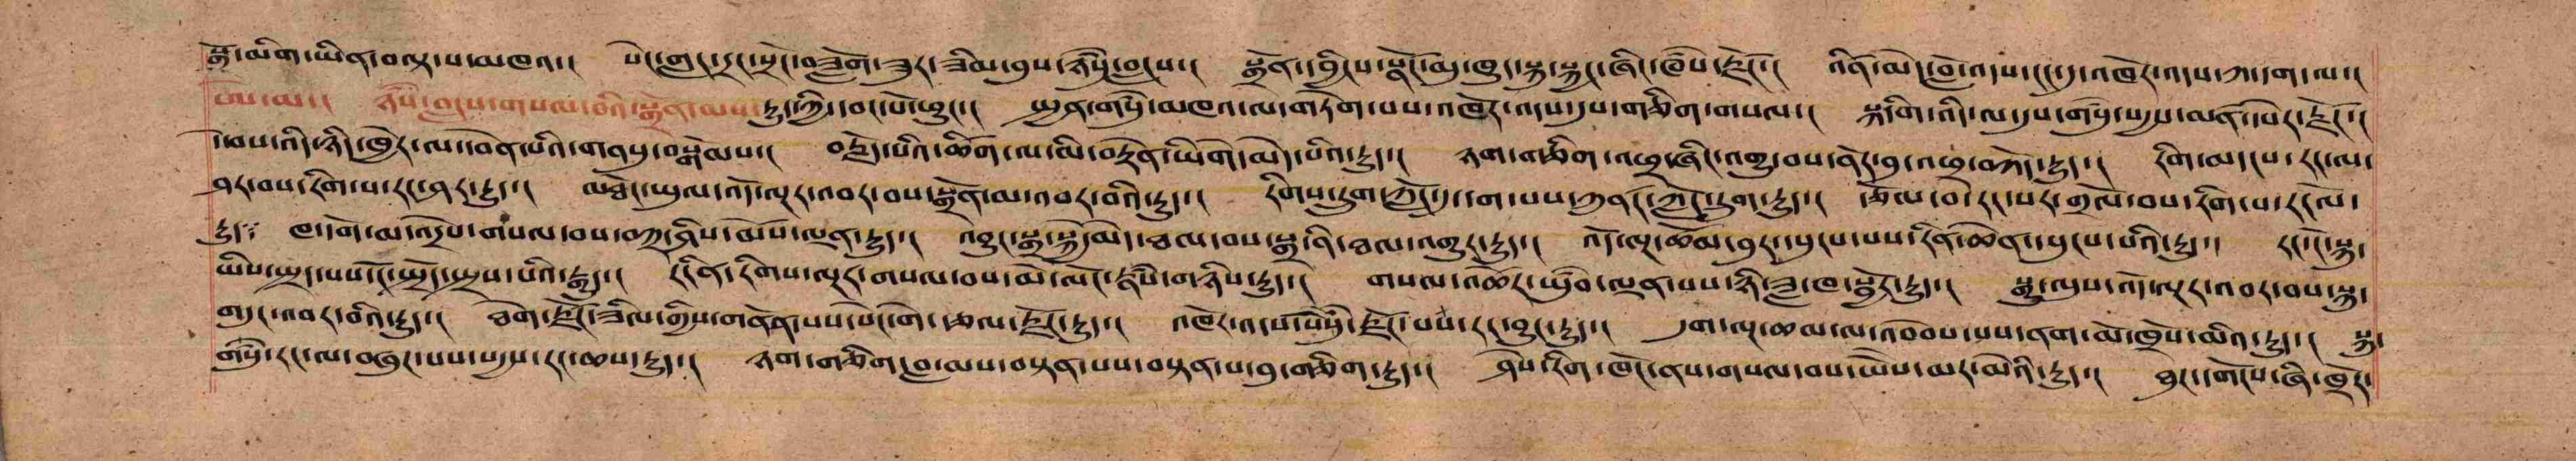སྒོ་མིག་ཡིན་བལྟ་ས་མཁའ།། སེང་གླང་དྲང་སྲོང་བཟློག་ཟུར་ཟིམ་བུས་ཉམས་སུ་བླངས།། སྒྲོན་དབྱིངས་སྣ་ཚོགས་མུ་ཁྱུད་སྐུ་རྐྱང་ཞིང་ཁམས་རྫོགས།། འཛིན་མེད་བློ་འདས་ངང་དུ་འཁོར་འདས་ཀ་དག་ལ།། 
ཨེ་མ།། ཉམས་བླངས་གསལ་བའི་སྒྲོན་མས་རྒྱུད་ཀྱི་དབང་པོ་ཕྱུང་།། སྤྱན་གསུམ་མཁའ་ལ་བཏེག་པས་འཁོར་འདས་དུས་གཅིག་གསལ།། སྐད་ཅིག་འདི་ལ་དུས་གསུམ་སངས་རྒྱས་མཚན་དཔེར་རྫོགས།། 
དེ་བས་འདི་ཉིད་ཁྱེར་ལ་དབེན་པའི་གནས་སུ་བསྒོམས།། བརྗོད་པའི་ཚིག་ལ་མི་བརྟེན་ཡིག་གེ་མེད་པའི་རྒྱུད།། ཉག་གཅིག་འཕྲ་ཞིང་འགྱུ་བས་ནོར་བུ་འཕྲ་བཀོད་རྒྱུད།། རིག་མདངས་རང་ལ་
ཤར་བས་རིག་པ་རང་ཤར་རྒྱུད།། མཐོང་ཡུལ་འོད་ལྔར་འབར་བས་སྒྲོན་མ་འབར་བའི་རྒྱུད།། རིགས་དྲུག་ཀློང་དུ་དག་པས་ཀུན་བཟང་ཀློང་དྲུག་རྒྱུད།། རྩོལ་བ་རང་སར་གྲོལ་བས་རིག་པ་རང་གྲོལ་
རྒྱུད།། ཁ་དོག་མ་འདྲེས་གསལ་བས་བཀྲ་ཤིས་མཛེས་ལྡན་རྒྱུད།། འབྱུང་སྒྲ་སྐྱེ་མེད་ཐལ་བས་སྒྲ་ནི་ཐལ་འགྱུར་རྒྱུད།། འོད་ལྔ་ཚོམ་བུར་དཔུངས་པས་རིན་ཆེན་སྤུངས་པའི་རྒྱུད།། རང་ངོ་སྐུ་
ཡིས་སྤྲད་པས་ངོ་སྤྲོད་སྤྲས་པའི་རྒྱུད།། རང་བཞིན་རིགས་ལྔར་གསལ་བས་མེ་ལོང་རྣམ་གཉིས་རྒྱུད།། གསལ་འཚེར་ཡབ་ཡུམ་ལྡན་པས་ཉི་ཟླ་ཁ་སྦྱོར་རྒྱུད།། སྒྱུ་ལུས་འོད་ལྔར་འབར་བས་སྐུ་
གདུང་འབར་བའི་རྒྱུད།། ཐེག་རྫོགས་ཟིལ་གྱིས་གནོན་པས་སེང་གེ་རྩལ་རྫོགས་རྒྱུད།། འཁོར་འདས་སེམས་སུ་རྫོགས་པས་རང་བྱུང་རྒྱུད།། དུག་ལྔ་ཆམ་ལ་འབེབས་པས་ནག་མོ་ཁྲོས་མའི་རྒྱུད།། སྐུ་
གསུམ་རང་ལ་བཞུགས་པས་སངས་རྒྱས་རང་ཆས་རྒྱུད།། ཉག་ཅིག་བླ་མས་བསྟན་པས་བསྟན་པ་བུ་གཅིག་རྒྱུད།། ཤེས་རིག་ཁོང་ནས་གསལ་བས་ཡེ་ཤེས་མར་མེའི་རྒྱུད།། ཐུགས་དགོངས་ཞི་ཁྲོར་